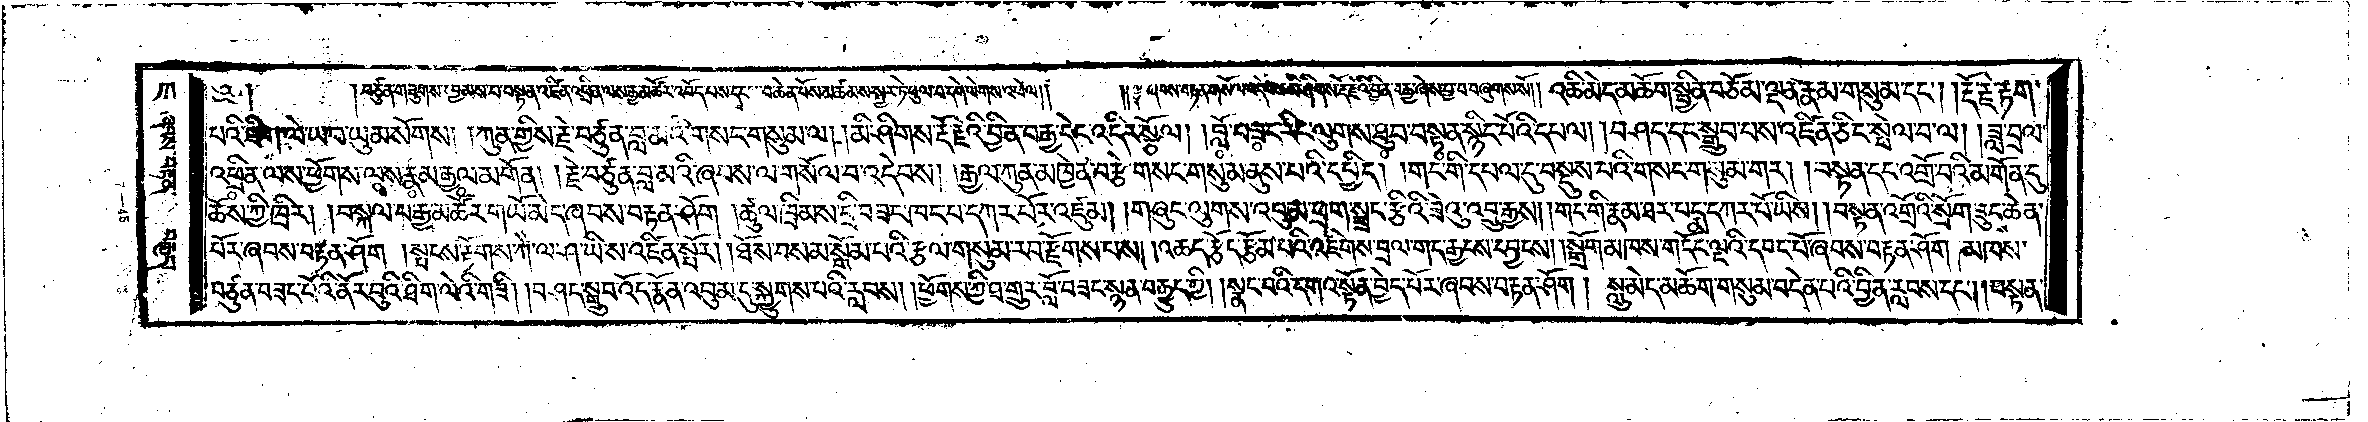༄༅། །བཙུན་གཟུགས་འབྱམས་པ་བསྟན་འཛིན་འཕྲིན་ལས་རྒྱ་མཚོར་འབོད་པས་དྭངས་པ་ཆེན་པོས་མཚམས་སྤྱར་ཏེ་ཕུལ་བ་དགེ་ལེགས་འཕེལ།། །། ༈ ཞབས་བརྟེན་གསོལ་འདེབས་མི་ཤིགས་རྡོ་རྗེའི་བྱིན་བརྒྱ་ཞེས་བྱ་བ་བཞུགས་སོ།།  འཆི་མེད་མཆོག་སྦྱིན་བཅོམ་ལྡན་རྣམ་གསུམ་དང་། །རྡོ་རྗེ་རྟག་
པའི་ཐིག་ལེ་ཡབ་ཡུམ་སོགས། །ཀུན་གྱིས་རྗེ་བཙུན་བླ་མའི་གསང་གསུམ་ལ། །མི་ཤིགས་རྡོ་རྗེའི་བྱིན་བརྒྱ་དེང་འདིར་སྩོལ། །བློ་བཟང་རིང་ལུགས་ཐུབ་བསྟན་སྙིང་པོའི་དཔལ། །བཤད་དང་སྒྲུབ་པས་འཛིན་ཅིང་སྤེལ་བ་ལ། །ཟླ་བྲལ་
འཕྲིན་ལས་ཕྱོགས་ལས་རྣམ་རྒྱལ་མགོན། །རྗེ་བཙུན་བླ་མའི་ཞབས་ལ་གསོལ་བ་འདེབས། །རྒྱལ་ཀུན་མཁྱེན་བརྩེ་གསང་གསུམ་ནུས་པའི་དཔྱིད། །གང་གི་དཔལ་དུ་བསྡུས་པའི་གསང་གསུམ་གར། །བསྟན་དང་འགྲོ་བའི་མགོན་དུ་
ཆོས་ཀྱི་ཁྲིར། །བསྐལ་པ་རྒྱ་མཚོར་གཡོ་མེད་ཞབས་བརྟན་ཤོག །ཚུལ་ཁྲིམས་དྲི་བཟང་ཁང་པ་དཀར་པོར་འཛུམ། །གཞུང་ལུགས་འབུམ་ཕྲག་སྦྲང་རྩིའི་ཟེའུ་འབྲུ་རྒྱས། །གང་གི་རྣམ་ཐར་པདམ་དཀར་པོ་ཡིས། །བསྟན་འགྲོའི་སྲོག་ཟུངས་ཆེན་
པོར་ཞབས་བརྟན་ཤོག །སྤངས་རྟོགས་ཀཻ་ལ་ཤ་ཡིས་འཛིན་སྤོར། །ཐོས་བསམ་སྒོམ་པའི་རྩལ་གསུམ་རབ་རྫོགས་པས། །འཆད་རྩོད་རྩོམ་པའི་འཇིགས་བྲལ་གང་རྒྱངས་དབྱངས། །སྒྲོག་མཁས་གདོང་ལྔའི་དབང་པོ་ཞབས་བརྟན་ཤོག །མཁས་
བཙུན་བཟང་པོའི་ནོར་བུའི་ཐིག་ལེའུ་གཟི། །བཤད་སྒྲུབ་འོད་རྣོན་འབུམ་དུ་སྐྱུགས་པའི་རླབས། །ཕྱོགས་ཀྱི་ཐ་གྲུར་བློ་བཟང་སྙན་བརྒྱུད་ཀྱི། །སྣང་བའི་དགའ་སྟོན་བྱེད་པོར་ཞབས་བརྟན་ཤོག །སླུ་མེད་མཆོག་གསུམ་བདེན་པའི་བྱིན་རླབས་དང་། །བསྟན་